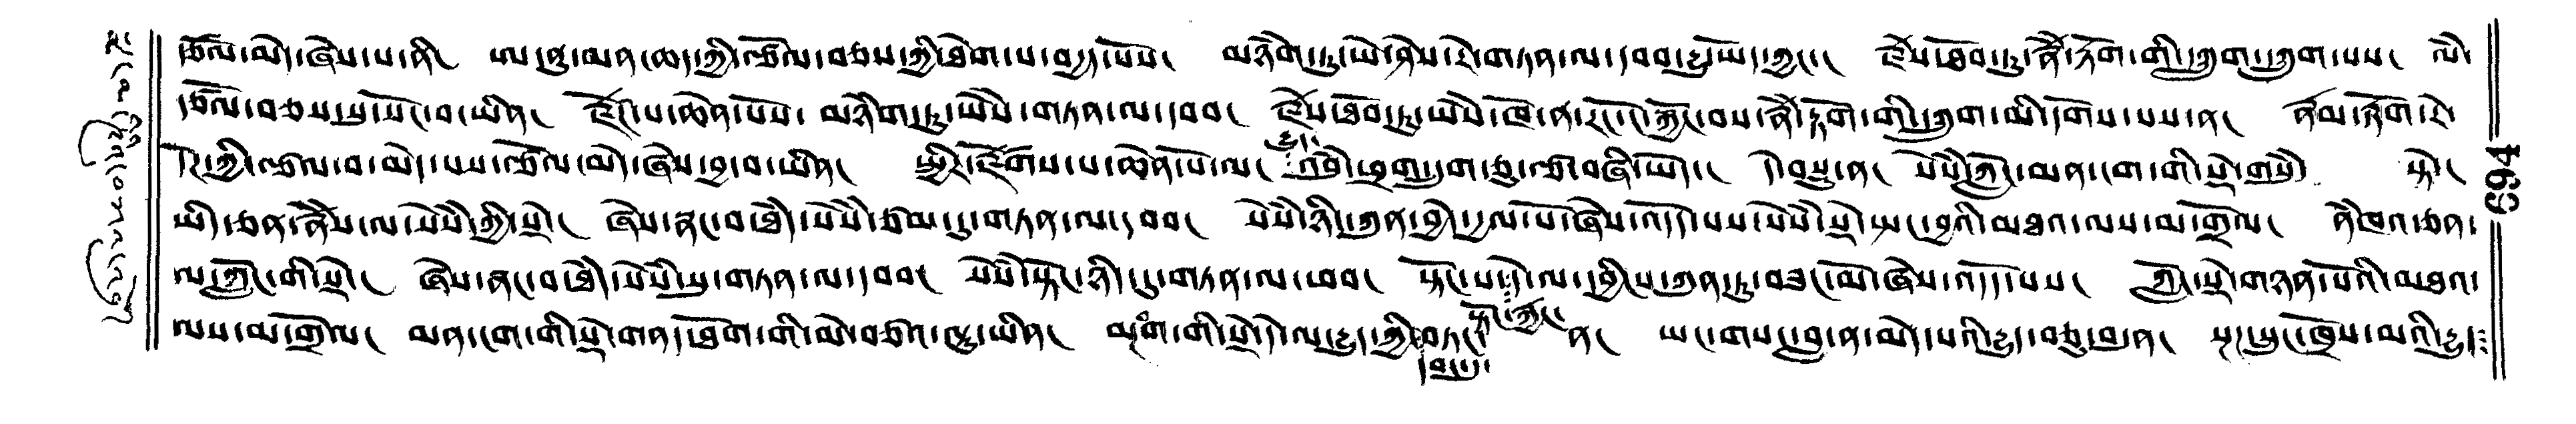རྩོལ་མེད་ཞེས་པ་ནི། ཨ་ནུ་མན་ཆད་ཀྱི་རྩོལ་བཅས་ཀྱི་ཐེག་པ་བརྒྱད་པོས། མཉམ་བཞག་ཏུ་ཡེ་ཤེས་རེ་གཏན་ལ་དབབ་རྒྱུ་ཡོད་ཀྱང་། རྗེས་ཐོབ་ཏུ་རྣམ་རྟོག་གི་དཀྲུག་དཀྲུག་པས། ལམ་
རྩོལ་བཅས་སུ་སོང་བ་ཡིན། རྫོགས་པ་ཆེན་པོས་མཉམ་བཞག་ཏུ་ཡེ་ཤེས་གཏན་ལ་དབབ། རྗེས་ཐོབ་ཏུ་ཡེ་ཤེས་ཁོ་ན་རང་ངོ་སྐྱོང་བས་རྣམ་རྟོག་གི་དཀྲུག་མི་དགོས་པས་ན། རྣམ་རྟོག་རེ་
དོགས་ཀྱི་རྩོལ་བ་མེད་པས་རྩོལ་མེད་ཞེས་བྱ་བ་ཡིན། སྤྱིར་རྫོགས་པ་ཆེན་པོ་ལ། རྒྱུད་འབུམ་ཕྲག་དྲུག་ཅུ་རྩ་བཞི་ཡོད། དེ་བསྡུ་ན། སེམས་ཀློང་མན་ངག་གི་སྡེ་གསུམ་སྟེ། 
ཡིད་ཅན་རྣམས་ལ་སེམས་ཀྱི་སྡེ། ཞེས་སྣང་བ་ཐམས་ཅད་སེམས་ཙམ་དུ་གཏན་ལ་དབབ།སེམས་ཉིད་ཀུན་བྱེད་རྒྱལ་པོ་ཞེས་འདོད་པས་སེམས་སྡེ་སྤང་བྱའི་མཐའ་ལས་མ་གྲོལ། ནམ་མཁའ་ཅན་
ལ་ཀློང་གི་སྡེ། ཞེས་སྣང་བ་ཐམས་ཅད་སེམས་སུ་གཏན་ལ་དབབ། སེམས་སྟོང་ཉིད་དུ་གཏན་ལ་ཕབ། སྟོང་པ་སྟོང་རྐྱང་དེ་ལ་དབྱིངས་ཀུན་ཏུ་བཟང་མོ་ཞེས་འདོད་པས། ཀློང་སྡེ་གཉན་པོའི་མཐའ་
ལས་མ་གྲོལ། མན་ངག་གི་སྡེ་གནད་ཐོག་གི་མེ་བཙའ་ལྟ་བུ་ཡིན། མན་ངག་གི་སྡེ་དེ་ལ་རྒྱུད་ཀྱི་དབང་དུ་བཏང་ན། ཡང་གསང་བླ་ན་མེད་པའི་རྒྱུད་བཅུ་བདུན། སྔགས་སྲུང་ཁྲོས་མའི་རྒྱུད་